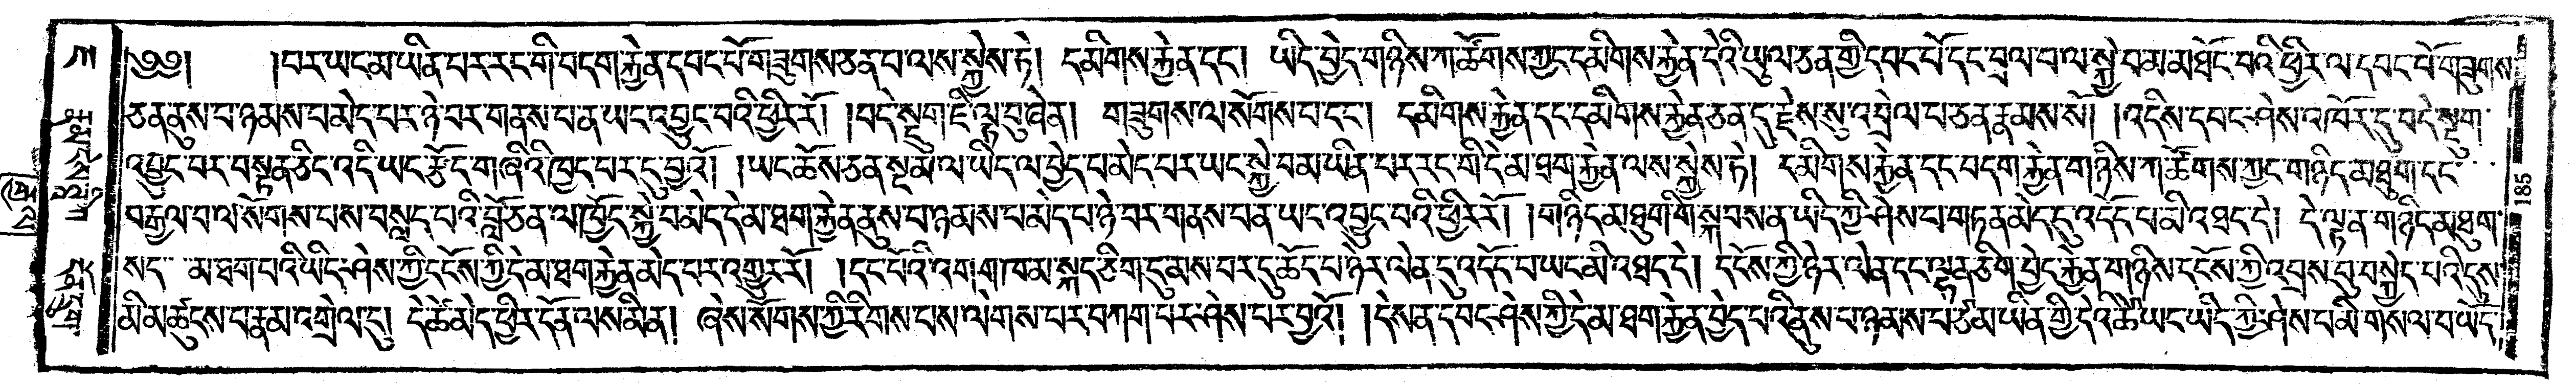༄༅། །པར་ཡང་མ་ཡིན་པར་རང་གི་བདག་རྐྱེན་དབང་པོ་གཟུགས་ཅན་པ་ལས་སྐྱེས་ཏེ། དམིགས་རྐྱེན་དང་། ཡིད་བྱེད་གཉིས་ཀ་ཚོགས་ཀྱང་དམིགས་རྐྱེན་དེའི་ཡུལ་ཅན་གྱི་དབང་པོ་དང་བྲལ་བ་ལ་སྐྱེ་བ་མ་མཐོང་བའི་ཕྱིར་ལ་དབང་པོ་གཟུགས་
ཅན་ནུས་པ་ཉམས་པ་མེད་པར་ཉེ་བར་གནས་པ་ན་ཡང་འབྱུང་བའི་ཕྱིར་རོ། །བདེ་སྡུག་ཇི་ལྟ་བུ་ཞེ་ན། གཟུགས་ལ་སོགས་པ་དང་། དམིགས་རྐྱེན་དང་དམིགས་རྐྱེན་ཅན་དུ་རྗེས་སུ་འབྲེལ་པ་ཅན་རྣམས་སོ། །འདིས་དབང་ཤེས་འཁོར་དུ་བདེ་སྡུག་
འབྱུང་བར་བསྟན་ཅིང་འདི་ཡང་རྩོད་གཞིའི་ཁྱད་པར་དུ་བྱའོ། །ཡང་ཆོས་ཅན་སྔ་མ་ལ་ཡིད་ལ་བྱེད་པ་མེད་པར་ཡང་སྐྱེ་བ་མ་ཡིན་པར་རང་གི་དེ་མ་ཐག་རྐྱེན་ལས་སྐྱེས་ཏེ། དམིགས་རྐྱེན་དང་བདག་རྐྱེན་གཉིས་ཀ་ཚོགས་ཀྱང་གཉིད་མཐུག་དང་
བརྒྱལ་བ་ལ་སོགས་པས་བསླད་པའི་བློ་ཅན་ལ་ཁྱོད་སྐྱེ་བ་མེད་དེ་མ་ཐག་རྐྱེན་ནུས་པ་ཉམས་པ་མེད་པ་ཉེ་བར་གནས་པ་ན་ཡང་འབྱུང་བའི་ཕྱིར་རོ། །གཉིད་མཐུག་གི་སྐབས་ན་ཡིད་ཀྱི་ཤེས་པ་གཏན་མེད་དུ་འདོད་པ་མི་འཐད་དེ། དེ་ལྟ་ན་གཉིད་མཐུག་
སད་མ་ཐག་པའི་ཡིད་ཤེས་ཀྱི་དངོས་ཀྱི་དེ་མ་ཐག་རྐྱེན་མེད་པར་འགྱུར་རོ། །དང་པོའི་འགག་ཁ་མ་སྐད་ཅིག་དུ་མས་བར་དུ་ཆོད་པ་ཉེར་ལེན་དུ་འདོད་པ་ཡང་མི་འཐད་དེ། དངོས་ཀྱི་ཉེར་ལེན་དང་ལྷན་ཅིག་བྱེད་རྐྱེན་གཉིས་དངོས་ཀྱི་འབྲས་བུ་བསྐྱེད་པའི་དུས་
མི་མཚུངས་པ་རྣམ་འགྲེལ་དུ། དེ་ཚེ་མེད་ཕྱིར་དོན་ལས་མིན། ཞེས་སོགས་ཀྱི་རིགས་པས་ལེགས་པར་བཀག་པར་ཤེས་པར་བྱའོ། །དེས་ན་དབང་ཤེས་ཀྱི་དེ་མ་ཐག་རྐྱེན་བྱེད་པའི་ནུས་པ་ཉམས་པ་ཙམ་ཡིན་གྱི་དེའི་ཚེ་ཡང་ཡིད་ཀྱི་ཤེས་པ་མི་གསལ་བ་ཡོད་